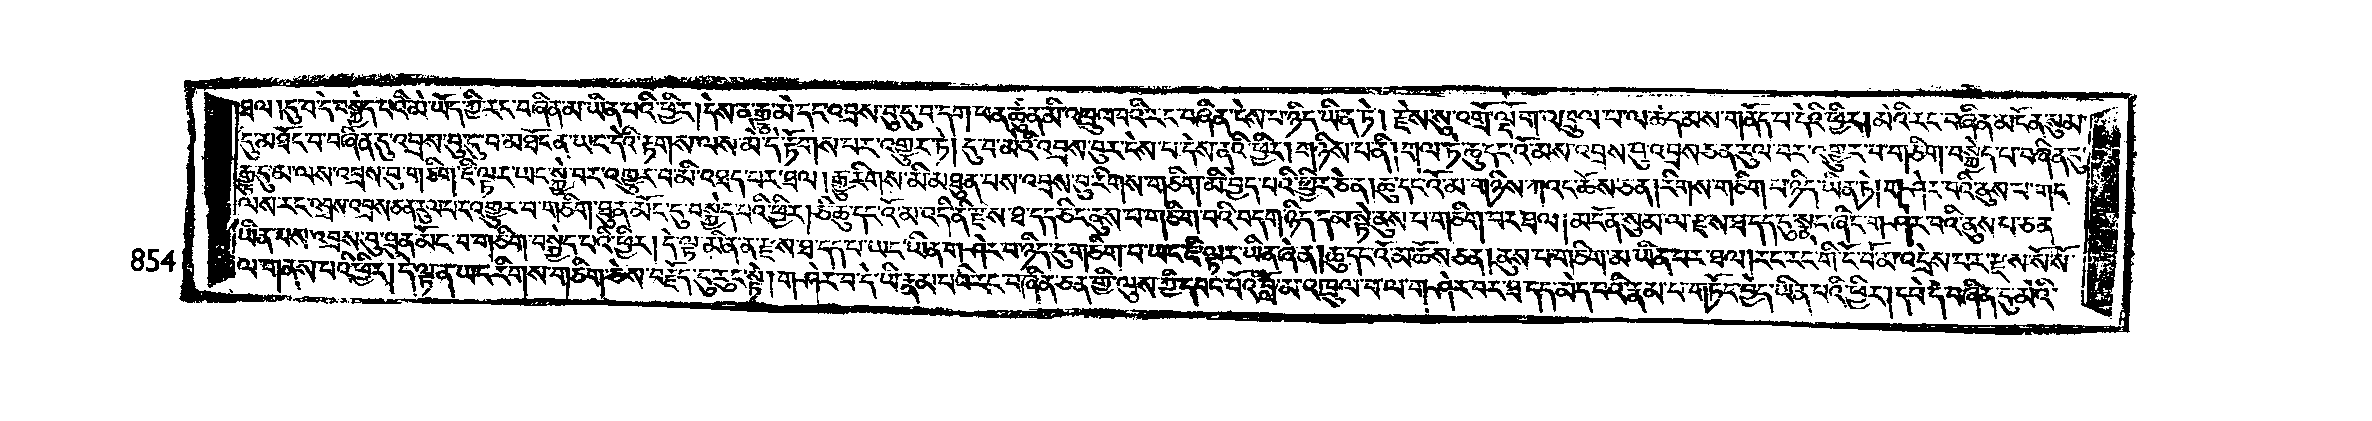ཐལ། དུ་བ་དེ་བསྐྱེད་པའི་མེ་ཡོད་ཀྱི་རང་བཞིན་མ་ཡིན་པའི་ཕྱིར། དེས་ན་རྒྱུ་མེ་དང་འབྲས་བུ་དུ་བ་དག་ཕན་ཚུན་མི་འཁྲུལ་བའི་རང་བཞིན་ངེས་པ་ཉིད་ཡིན་ཏེ། རྗེས་སུ་འགྲོ་ལྡོག་འཁྲུལ་པ་ལ་ཚད་མས་གནོད་པ་དེའི་ཕྱིར། མེའི་རང་བཞིན་མངོན་སུམ་
དུ་མཐོང་བ་བཞིན་དུ་འབྲས་བུ་དུ་བ་མཐོང་ན་ཡང་དེའི་རྟགས་ལས་མེ་དེ་རྟོགས་པར་འགྱུར་ཏེ། དུ་བ་མེའི་འབྲས་བུར་ངེས་པ་དེས་ནའི་ཕྱིར། གཉིས་པ་ནི། གལ་ཏེ་ཆུ་དང་འོ་མས་འབྲས་བུ་འབྲས་ཅན་རུལ་བར་འགྱུར་བ་གཅིག་བསྐྱེད་པ་བཞིན་དུ་
རྒྱུ་དུ་མ་ལས་འབྲས་བུ་གཅིག་ཇི་ལྟར་ཡང་སྐྱེ་བར་འགྱུར་བ་མི་འཐད་པར་ཐལ། རྒྱུ་རིགས་མི་མཐུན་པས་འབྲས་བུ་རིགས་གཅིག་མི་བྱེད་པའི་ཕྱིར་ཅེ་ན། ཆུ་དང་འོ་མ་གཉིས་ཀའང་ཆོས་ཅན། རིགས་གཅིག་པ་ཉིད་ཡིན་ཏེ། གཤེར་བའི་ནུས་པ་གང་
ལས་རང་འབྲས་འབྲས་ཅན་རུལ་པར་འགྱུར་བ་གཅིག་ཐུན་མོང་དུ་བསྐྱེད་པའི་ཕྱིར། ཅི་ཆུ་དང་འོ་མ་འདི་ནི་རྫས་ཐ་དད་ཅིང་ནུས་པ་གཅིག་པའི་བདག་ཉིད་དམ་སྟེ་ནུས་པ་གཅིག་པར་ཐལ། མངོན་སུམ་ལ་རྫས་ཐ་དད་དུ་སྣང་ཞིང་གཤེར་བའི་ནུས་པ་ཅན་
ཡིན་པས་འབྲས་བུ་ཐུན་མོང་བ་གཅིག་བསྐྱེད་པའི་ཕྱིར། དེ་ལྟ་མིན་ན་རྫས་ཐ་དད་པ་ཡང་ཡིན་གཤེར་བ་ཉིད་དུ་གཅིག་པ་ཡང་ཇི་ལྟར་ཡིན་ཞེ་ན། ཆུ་དང་འོ་མ་ཆོས་ཅན། ནུས་པ་གཅིག་མ་ཡིན་པར་ཐལ། རང་རང་གི་ངོ་བོ་མ་འདྲེས་པར་རྫས་སོ་སོ་
ལ་གནས་པའི་ཕྱིར། དེ་ལྟ་ན་ཡང་རིགས་གཅིག་ཅེས་བརྗོད་དུ་རུང་སྟེ། གཤེར་བ་དེ་ཡི་རྣམ་པའི་རང་བཞིན་ཅན་གྱི་ལུས་ཀྱི་དབབ་པོའི་བློ་མ་འཁྲུལ་བ་ལ་གཤེར་བར་ཐ་དད་མེད་པའི་རྣམ་པ་གཏོང་བྱེད་ཡིན་པའི་ཕྱིར། དཔེ་དེ་བཞིན་དུ་མེའི་